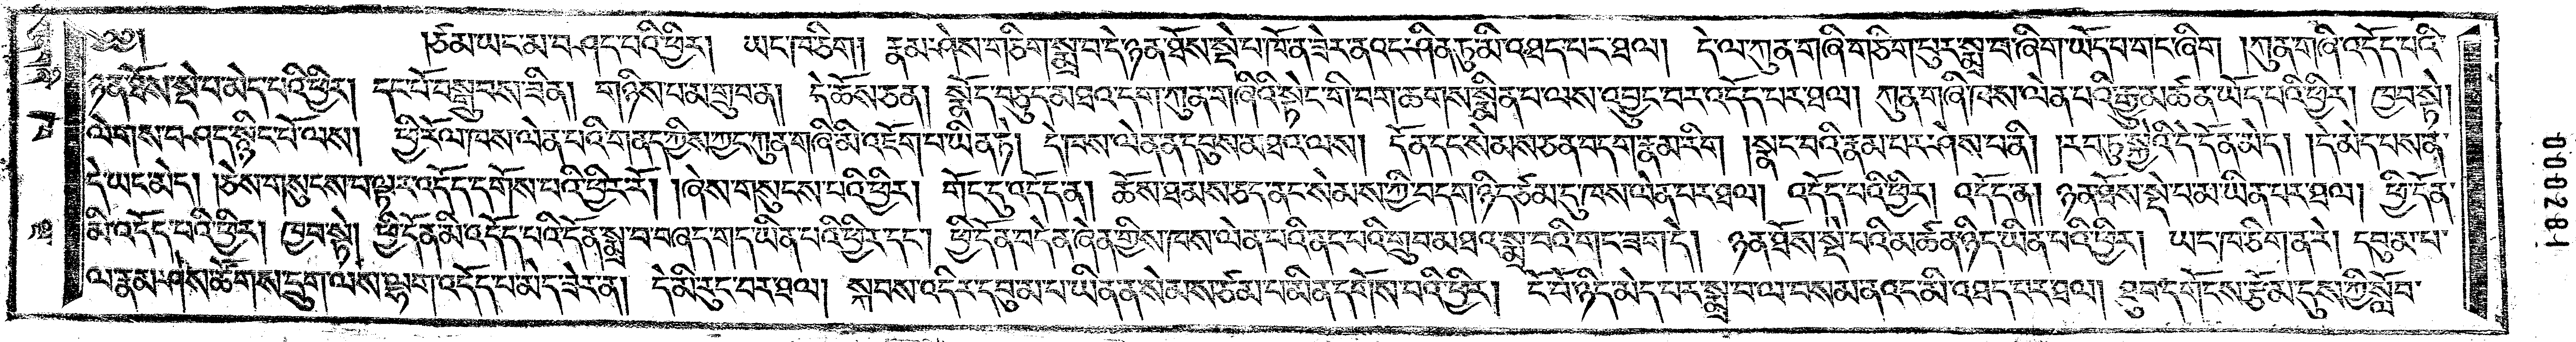༄༅། །ཙམ་ཡང་མ་བཤད་བའི་ཕྱིར། ཡང་ཁ་ཅིག། རྣམ་ཤེས་གཅིག་སྨྲ་བ་དེ་ཉན་ཐོས་སྡེ་པ་ཁོ་ན་ཟེར་ནའང་ཤིན་ཏུ་མི་འཐད་པར་ཐལ། དེ་ལ་ཀུན་གཞི་གཅིག་ཕུར་སྨྲ་བ་ཞིག་ཡོད་བ་གང་ཞིག །ཀུན་གཞི་འདོད་བའི་
ཉན་ཐོས་སྡེ་བ་མེད་པའི་ཕྱིར། དང་པོ་བསྒྲུབས་ཟིན། གཉིས་པ་མ་གྲུབ་ན། དེ་ཆོས་ཅན། སྣོད་བཅུད་མཐའ་དག་ཀུན་གཞིའི་སྟེང་གི་བག་ཆགས་སྨིན་པ་ལས་འབྱུང་བར་འདོད་པར་ཐལ། ཀུན་གཞི་ཁས་ལེན་པའི་རྒྱུ་མཚན་ཡོད་པའི་ཕྱིར། ཁྱབ་སྟེ།
ལེགས་བཤད་སྙིང་པོ་ལས། ཕྱི་རོལ་ཁས་ལེན་པའི་གནད་ཀྱིས་ཀྱང་ཀུན་གཞི་མི་འཇོག་པ་ཡིན་ཏེ། དེ་ཁས་ལེན་ན་དབུས་མཐའ་ལས། དོན་དང་སེམས་ཅན་བདག་རྣམ་རིག །སྣང་བའི་རྣམ་པར་ཤེས་པ་ནི། །རབ་ཏུ་སྐྱེའི་དེ་དོན་མེད། །དེ་མེད་པས་ནི་
དེ་ཡང་མེད། །ཅེས་གསུངས་པ་ལྟར་འདོད་དགོས་པའི་ཕྱིར་རོ། །ཞེས་གསུངས་པའི་ཕྱིར། གོང་དུ་འདོད་ན། ཆོས་ཐམས་ཅད་ནང་སེམས་ཀྱི་བདག་ཉིད་ཙམ་དུ་ཁས་ལེན་པར་ཐལ། འདོད་པའི་ཕྱིར། འདོད་ན། ཉན་ཐོས་སྡེ་པ་མ་ཡིན་པར་ཐལ། ཕྱི་དོན་
མི་འདོད་པའི་ཕྱིར། ཁྱབ་སྟེ། ཕྱི་དོན་མི་འདོད་པའི་དོན་སྨྲ་བ་བཞད་གད་ཡིན་པའི་ཕྱིར་དང་། ཕྱི་དོན་བདེན་ཞེན་གྱིས་ཁས་ལེན་པའི་ནང་པའི་གྲུབ་མཐའ་སྨྲ་བའི་གང་ཟག་དེ། ཉན་ཐོས་སྡེ་པའི་མཚན་ཉིད་ཡིན་པའི་ཕྱིར། ཡང་ཁ་ཅིག་ན་རེ། དབུ་མ་པ་
ལ་རྣམ་ཤེས་ཚོགས་དྲུག་ལས་ལྷག་འདོད་པ་མེད་ཟེར་ན། དེ་མི་རུང་བར་ཐལ། སྐབས་འདིར་དབུ་མ་པ་ཡིན་ན་སེམས་ཙམ་པ་མིན་དགོས་པའི་ཕྱིར། ངོ་བོ་ཉིད་མེད་བར་སྨྲ་བ་ལ་བསམ་ནའང་མི་འཐད་བར་ཐལ། ཐུབ་དགོངས་རྩོམ་དུས་ཀྱི་སློབ་